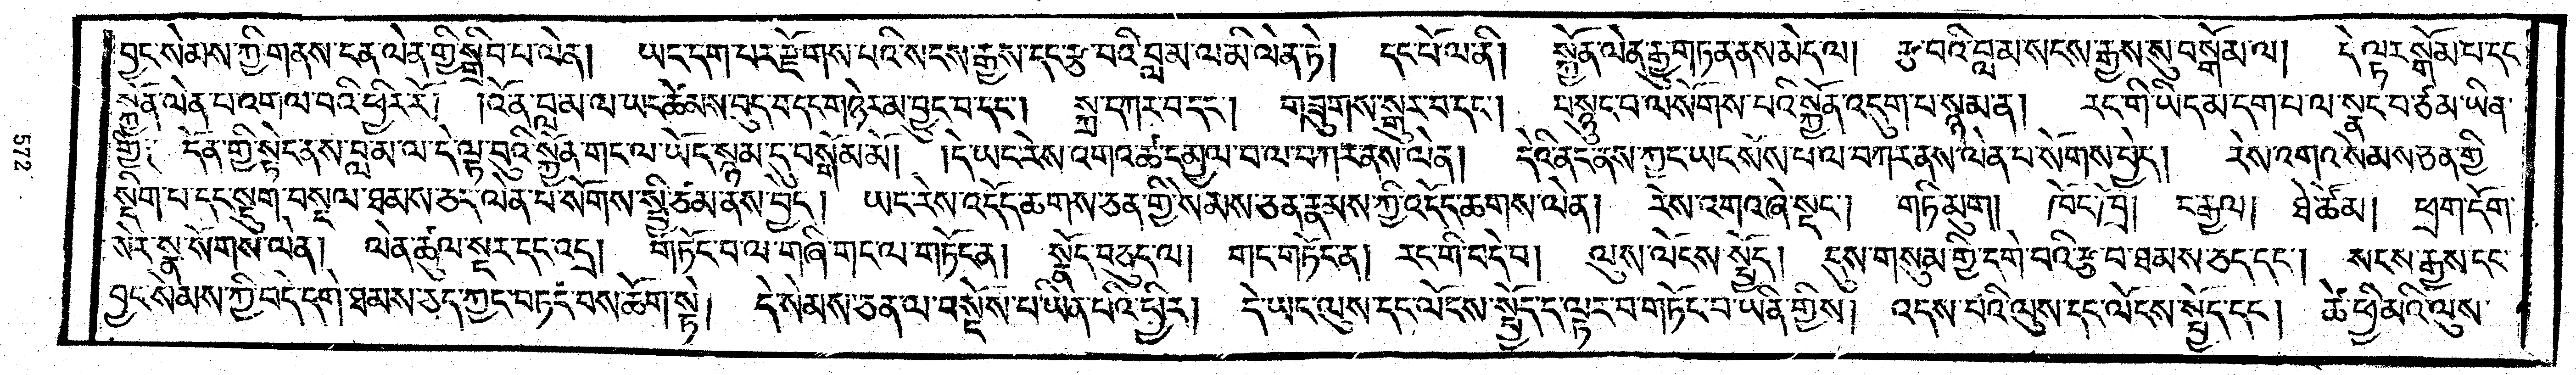བྱང་སེམས་ཀྱི་གནས་ངན་ལེན་གྱི་སྒྲིབ་པ་ལེན། ཡང་དག་པར་རྫོགས་པའི་སངས་རྒྱས་དང་རྩ་བའི་བླ་མ་ལ་མི་ལེན་ཏེ། དང་པོ་ལ་ནི། སྐྱོན་ལེན་རྒྱུ་གཏན་ནས་མེད་ལ། རྩ་བའི་བླ་མ་སངས་རྒྱས་སུ་བསྒོམ་ལ། དེ་ལྟར་སྒོམ་པ་དང་
སྐྱོན་ལེན་པ་འགལ་བའི་ཕྱིར་རོ། །འོ་ན་བླ་མ་ལ་ཡང་ཚེམས་བུད་བ་དང་གཉེར་མ་བྱུང་བ་དང་། སྐྲ་དཀར་བ་དང་། གཟུགས་སྒུར་བ་དང་། བསྙུང་བ་ལ་སོགས་པའི་སྐྱོན་འདུག་པ་སྙམ་ན། རང་གི་ཡིད་མ་དག་པ་ལ་སྣང་བ་ཙམ་ཡིན་
གྱི༑ དོན་གྱི་སྟེང་ནས་བླ་མ་ལ་དེ་ལྟ་བུའི་སྐྱོན་གང་ལ་ཡོད་སྙམ་དུ་བསྒོམ་མོ། །དེ་ཡང་རེས་འགའ་ཚ་དམྱལ་བ་ལ་བཀར་ནས་ལེན། དེའི་ནང་ནས་ཀྱང་ཡང་སོས་པ་ལ་བཀར་ནས་ལེན་པ་སོགས་བྱེད། རེས་འགའ་སེམས་ཅན་གྱི་
སྡིག་པ་དང་སྡུག་བསྔལ་ཐམས་ཅད་ལེན་པ་སོགས་སྦྱི་ཙམ་ནས་བྱེད། ཡང་རེས་འདོད་ཆགས་ཅན་གྱི་སེམས་ཅན་རྣམས་ཀྱི་འདོད་ཆགས་ལེན། རེས་འགའ་ཞེ་སྡང་། གཏི་མུག། ཁོང་ཁྲོ། ང་རྒྱལ། ཐེ་ཚོམ། ཕྲག་དོག་
སེར་སྣ་སོགས་ལེན། ལེན་ཚུལ་སྔར་དང་འདྲ། གཏོང་བ་ལ་གཞི་གང་ལ་གཏོང་ན། སྣོད་བཅུད་ལ། གང་གཏོང་ན། རང་གི་བདེ་བ། ལུས་ལོངས་སྤྱོད། དུས་གསུམ་གྱི་དགེ་བའི་རྩ་བ་ཐམས་ཅད་དང་། སངས་རྒྱས་དང་
བྱང་སེམས་ཀྱི་བདེ་དགེ་ཐམས་ཅད་ཀྱང་བཏང་བས་ཆོག་སྟེ། དེ་སེམས་ཅན་ལ་བསྔོས་པ་ཡིན་པའི་ཕྱིར། དེ་ཡང་ལུས་དང་ལོངས་སྤྱོད་ད་ལྟར་བ་གཏོང་བ་ཡིན་གྱིས། འདས་པའི་ལུས་དང་ལོངས་སྤྱོད་དང་། ཚེ་ཕྱི་མའི་ལུས་